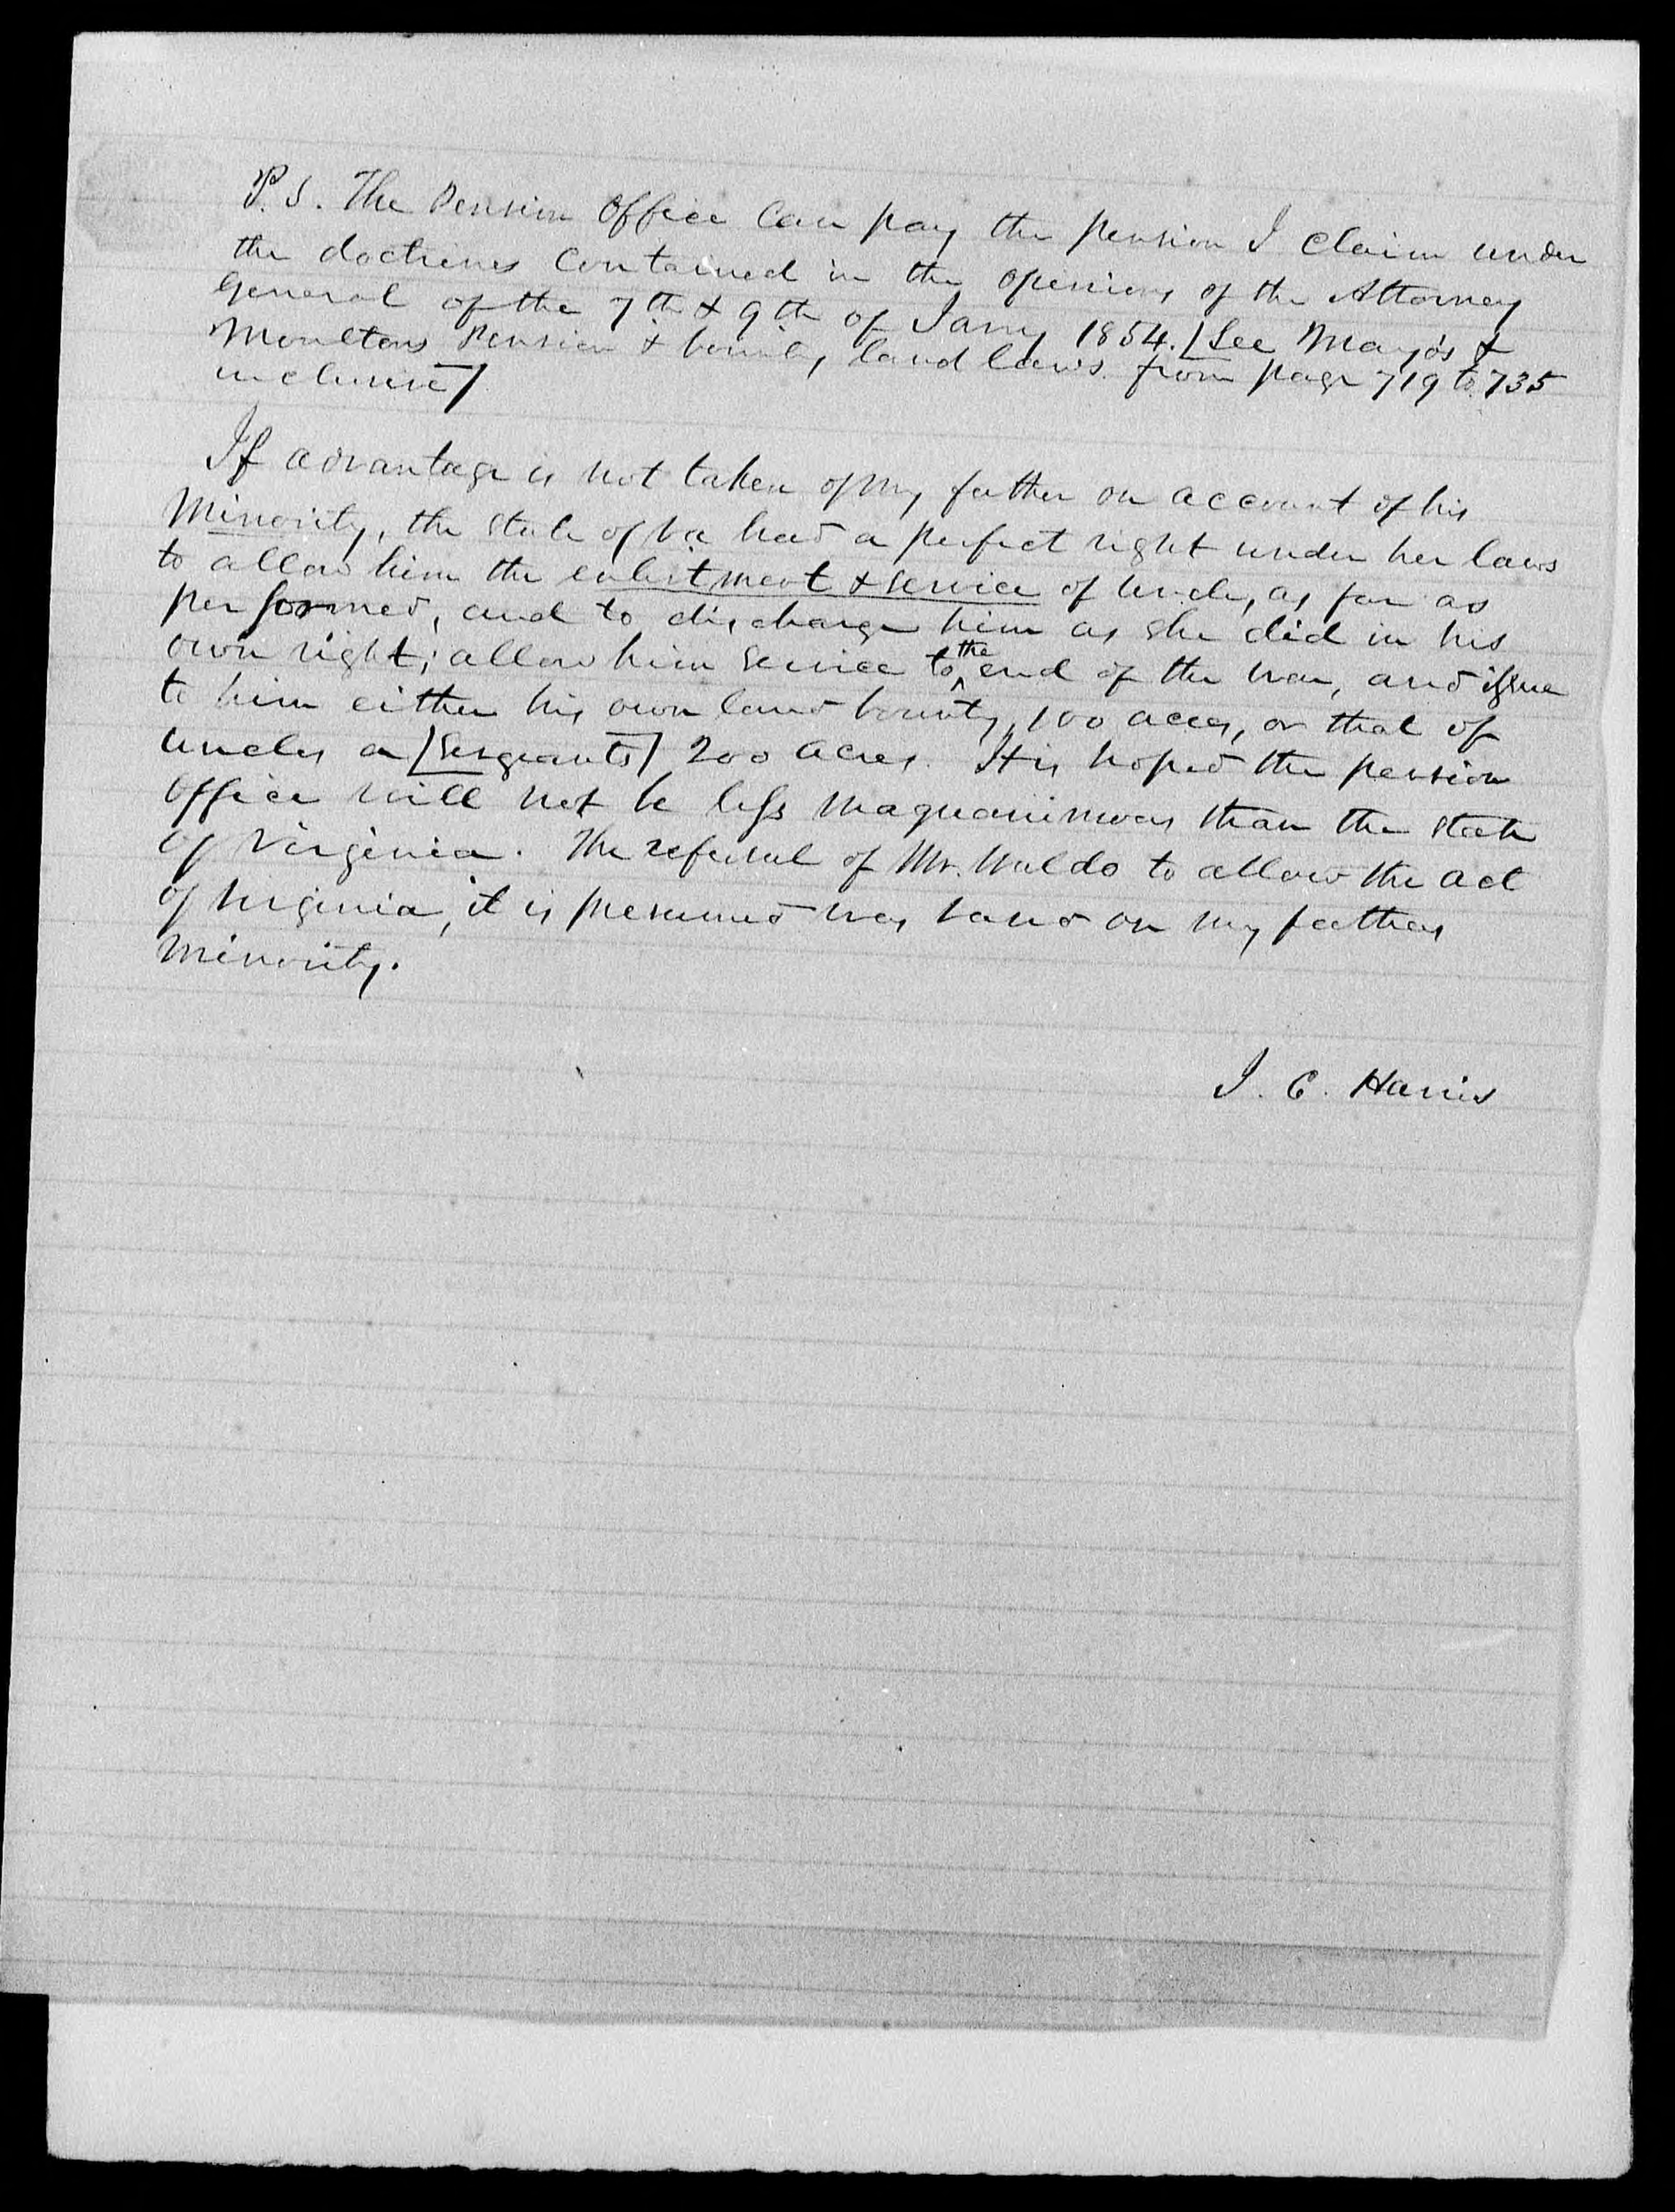P.S. The Pension Office can pay the pension I claim under the doctrines contained in the opinions of the Attorney General of the 7th & 9th of Jany 1854 (See Mayo's & Moultons pension & bounty land laws from pages 719 to 735 inclusive.)
If advantage is not taken of my father on account of his minority, the state of Va had a perfect right under her laws to allow him the enlistment & service of uncle, as far as performed, and to discharge him as she did in his own right, allow him service to the end of the war, and issue to him either his own land bounty, 100 acres, or that of uncles (sergeants) 200 acres.  It is hoped the pension office will not be less magnanimous that the State of Virginia.  The refusal of Mr. Waldo to allow the act of Virginia, it is presumed was based on my fathers minority.

J. C. Harris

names: J C Harris, Waldo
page: 71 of 160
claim: rejected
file: R. 4666, James Harris, Va.